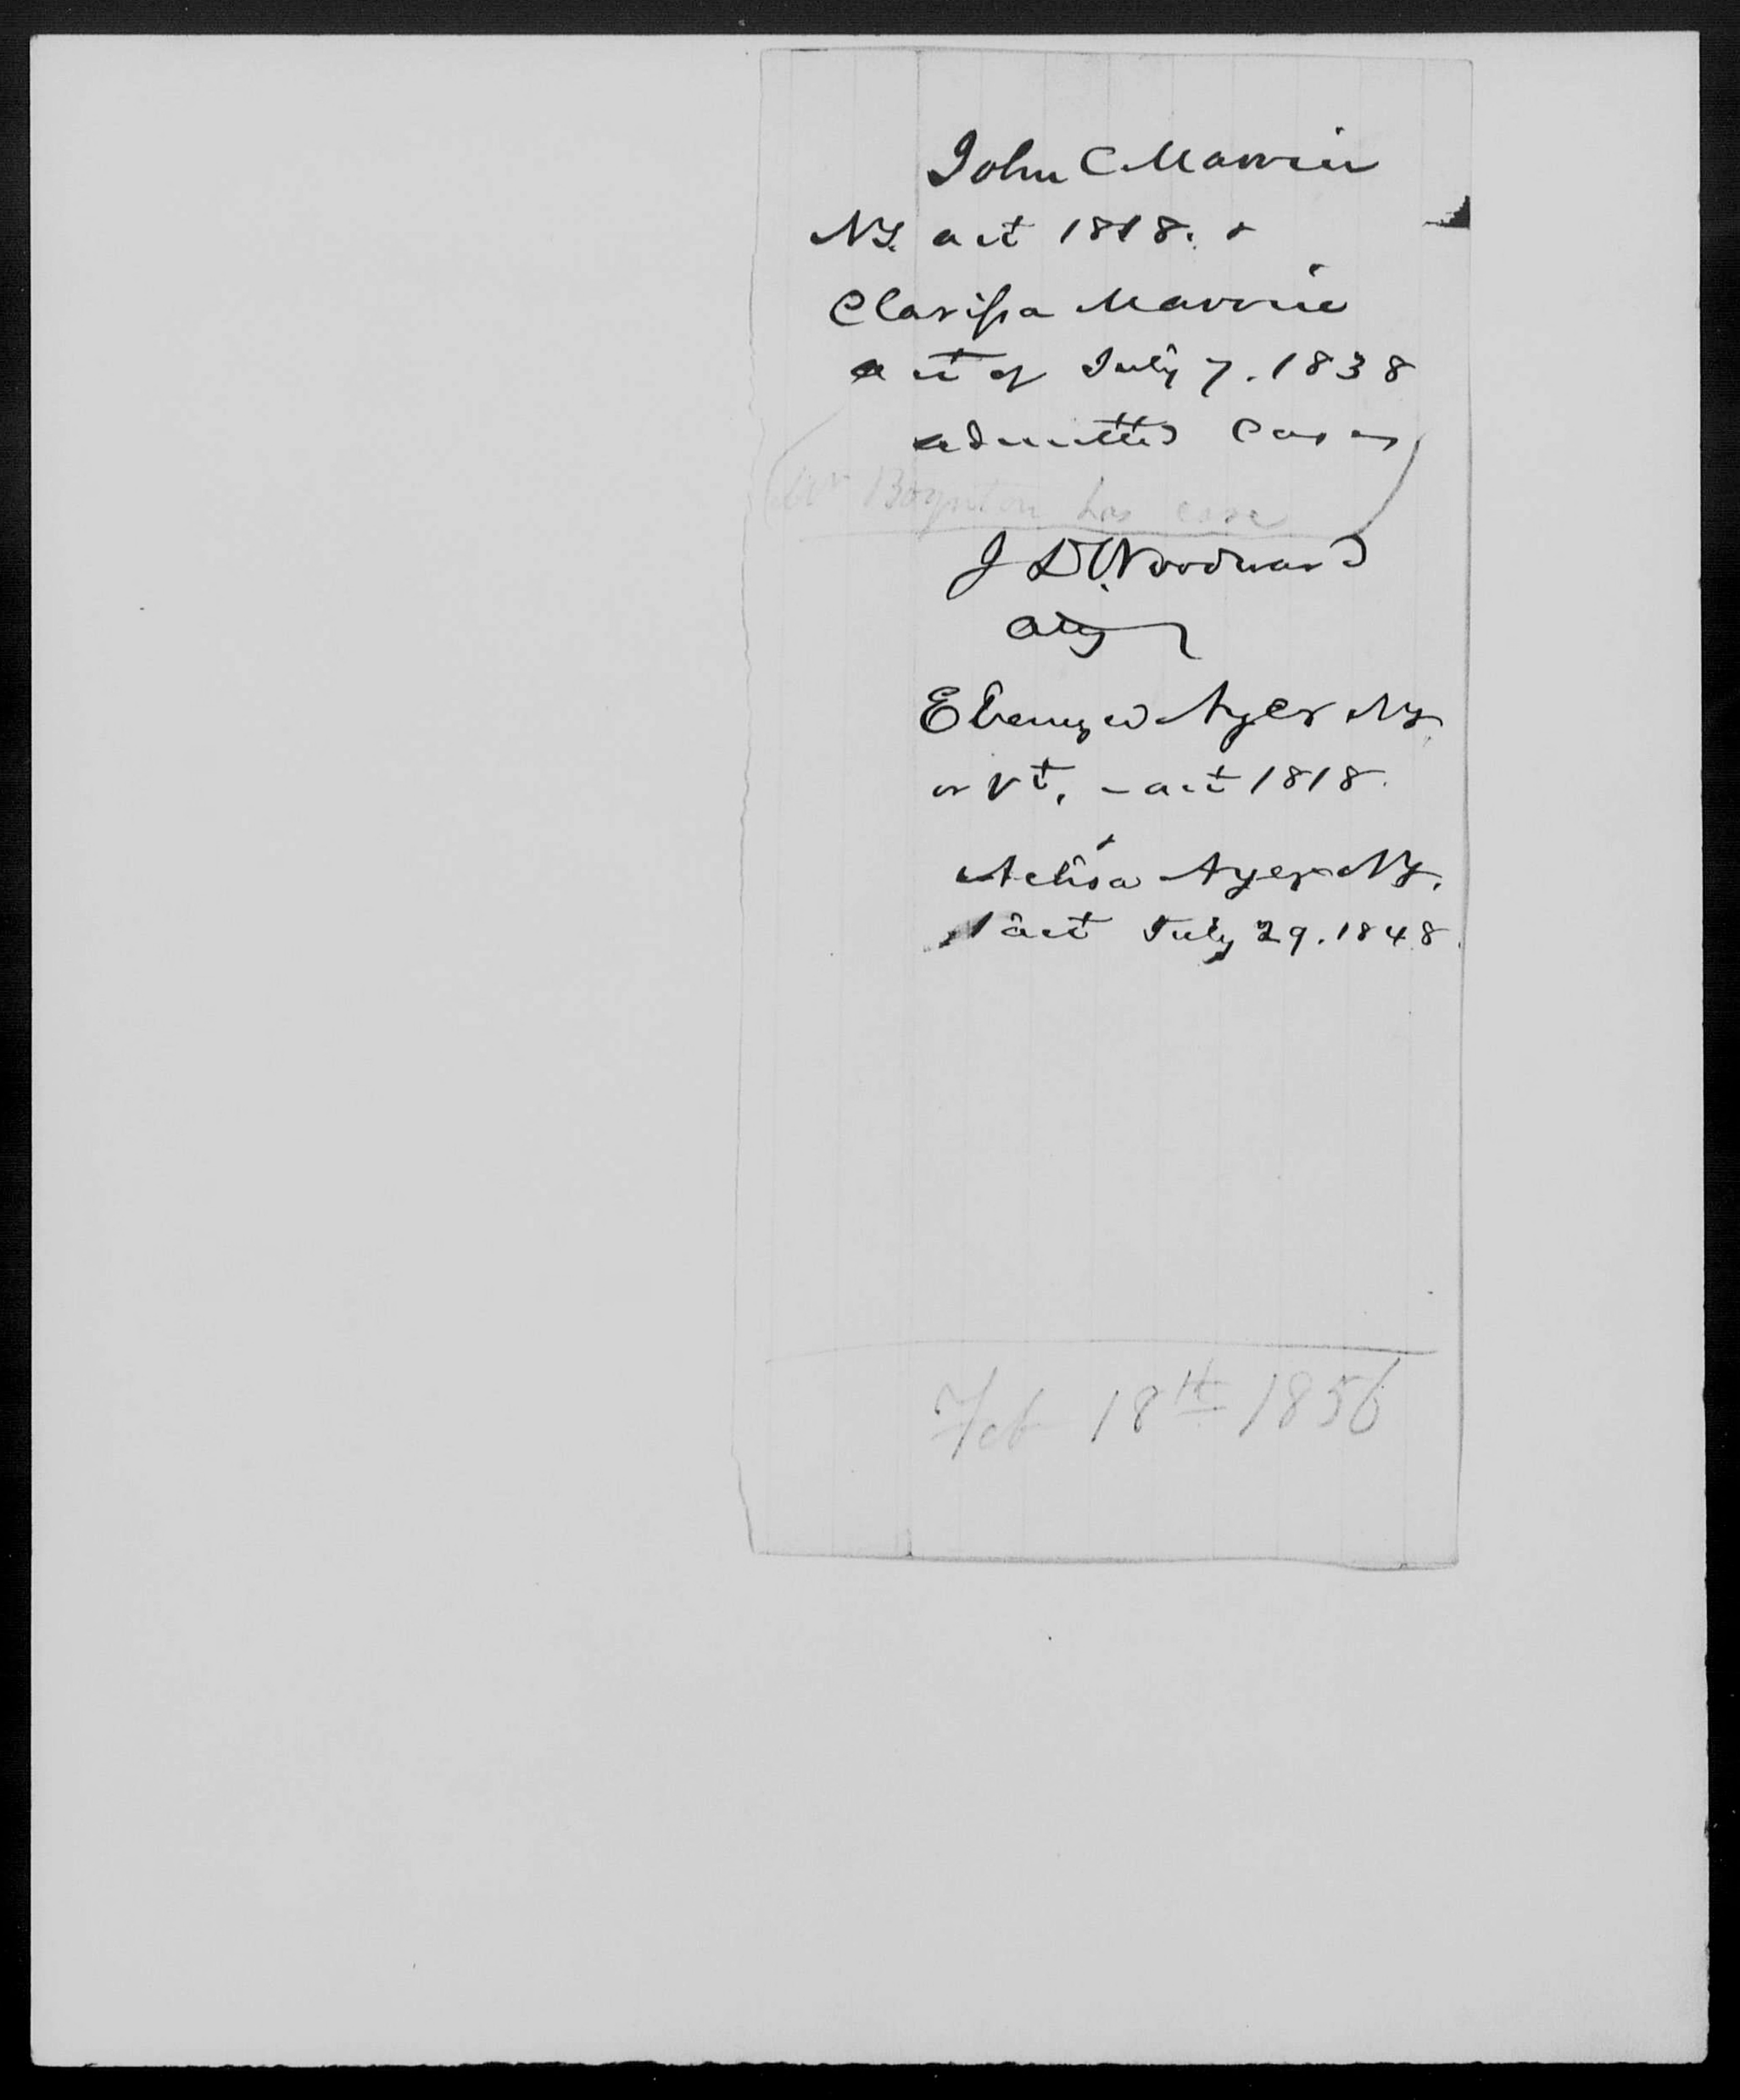John C. Mavine
NY act 1818 &
Clarissa Mavine
act of July 7, 1838
admitted cases
(Mr Boynton has case)
J D Woodward
atty
Ebenezer Ayer NY
or Vt. - act 1818.
Achsa Ayer NY
act July 29, 1848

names: Ebenezer Ayer, J D Woodward, John C Mavine, Clarissa Mavine, Achsa Ayer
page: 26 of 50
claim: widow's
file: W. 8559, Ebenezer Ayer, Continental (Conn)